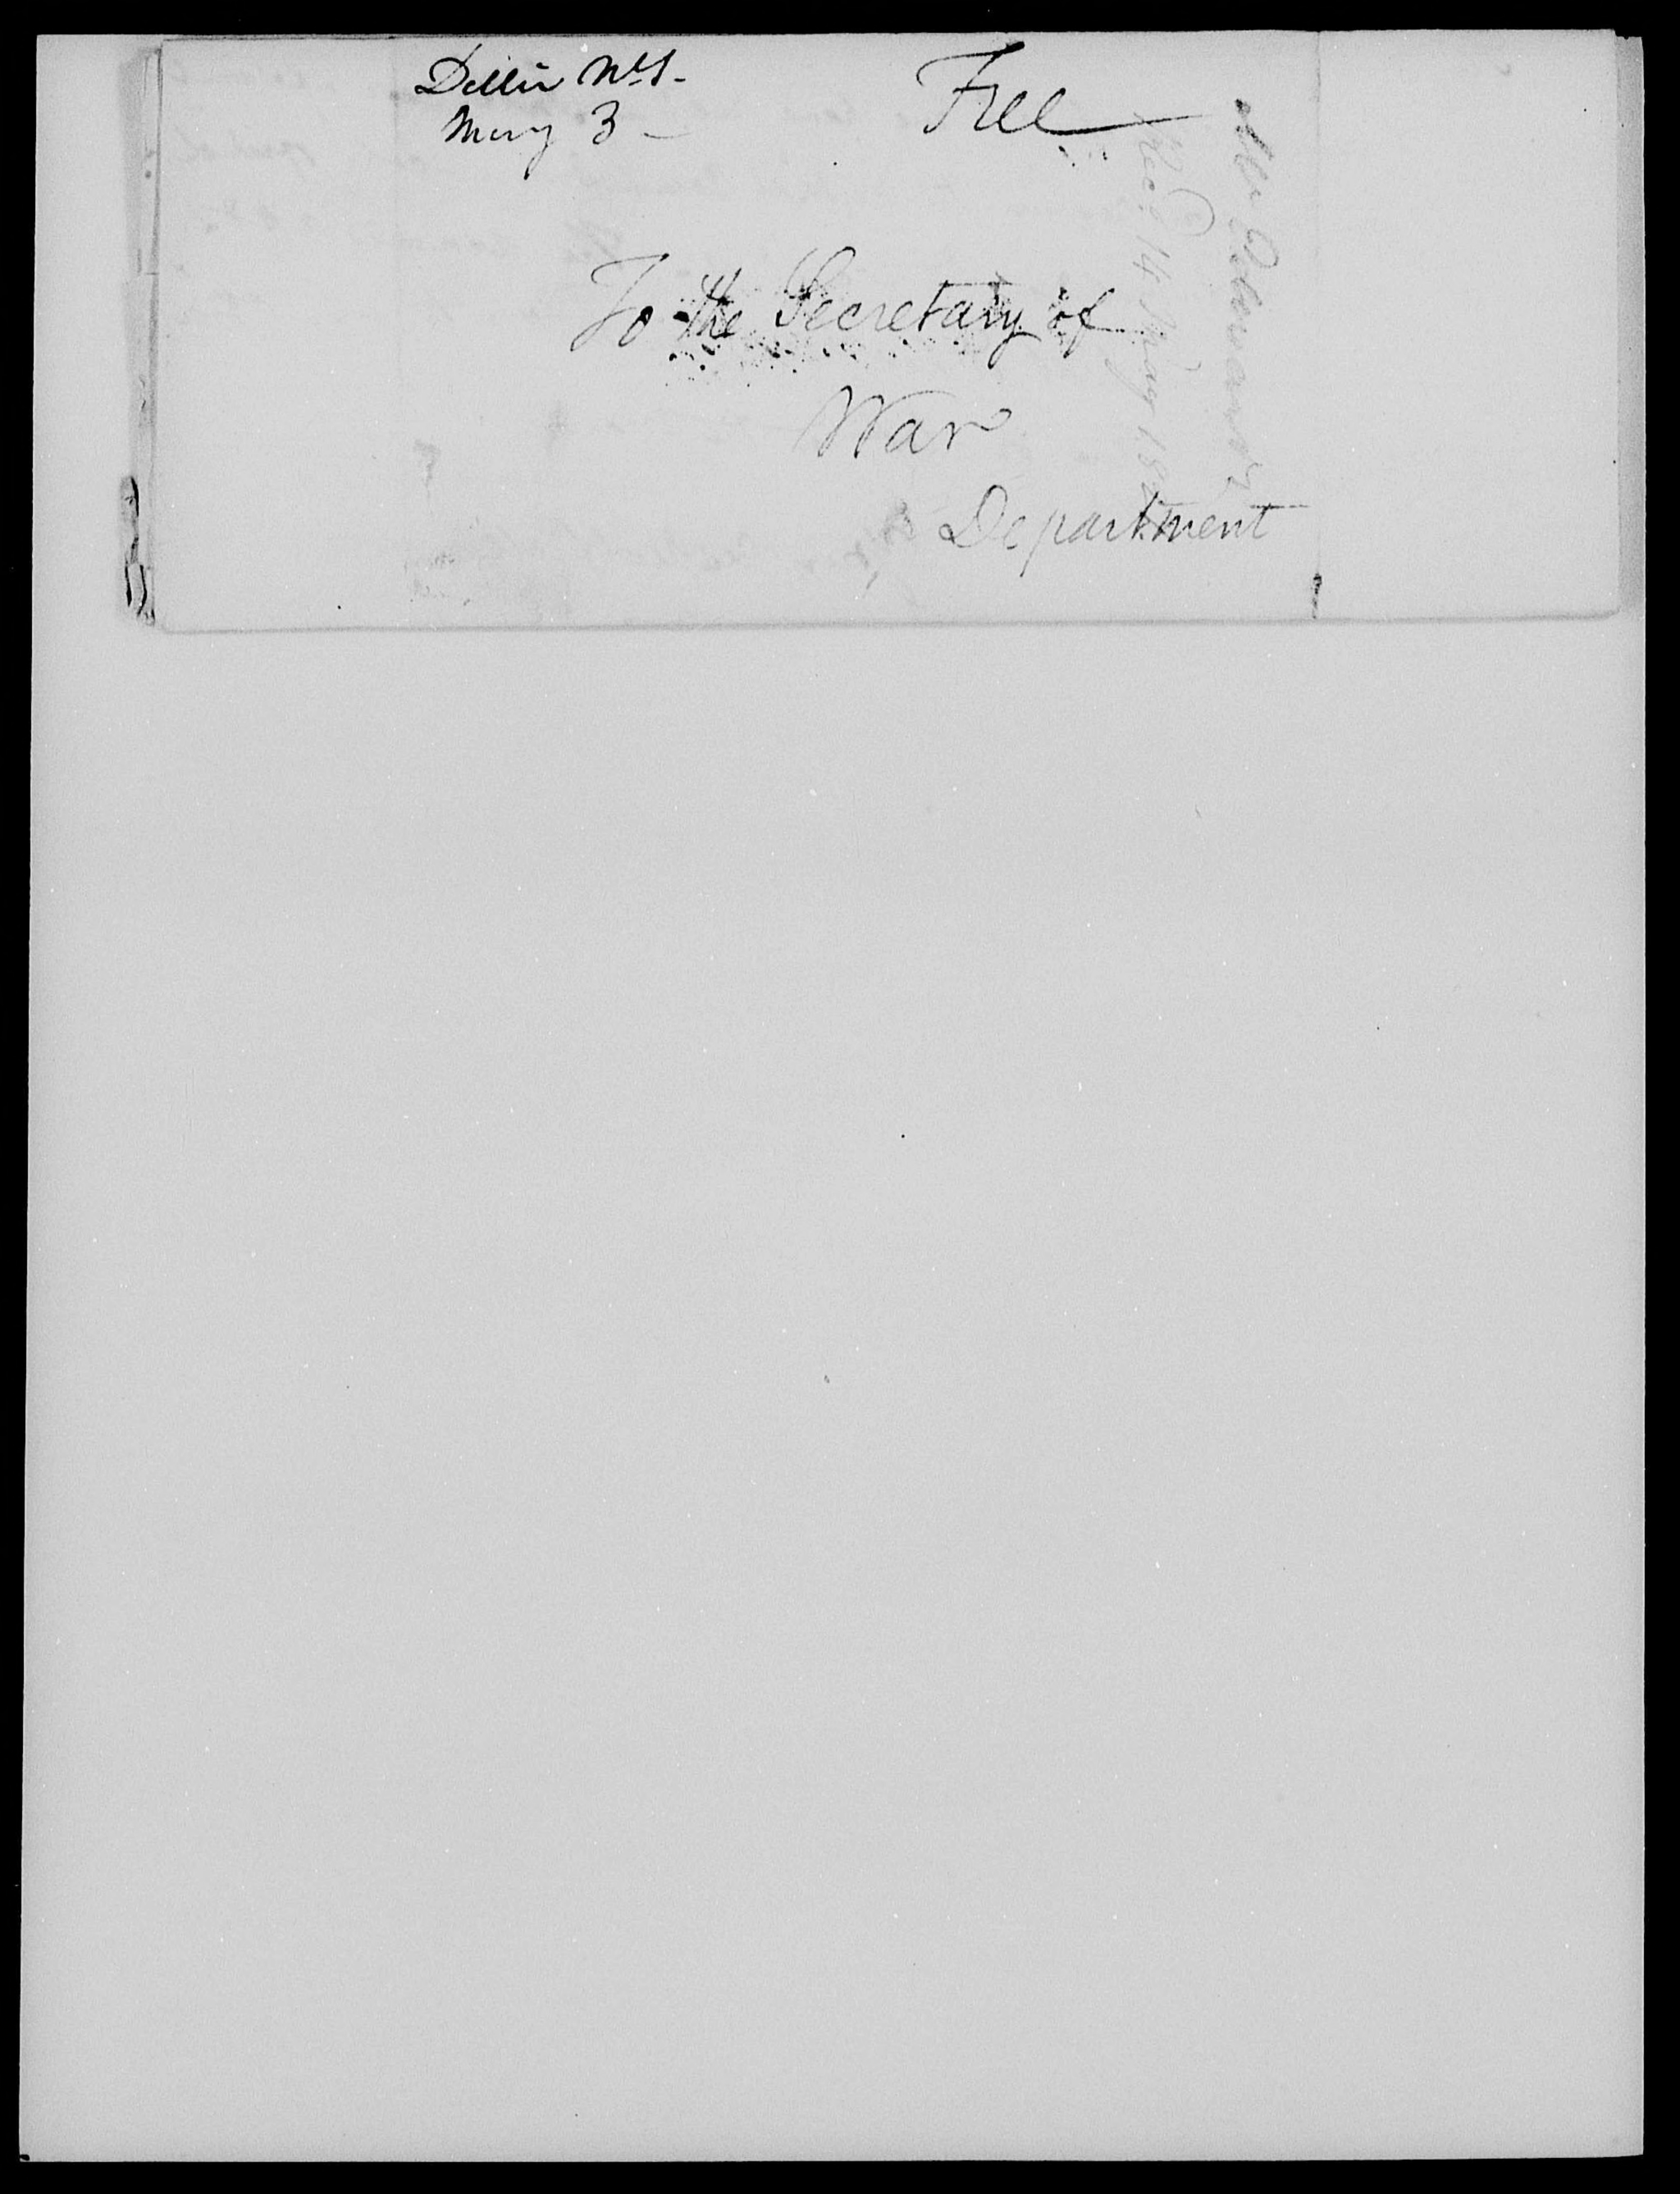Dellin NY
May 3 
Free
Mr. Edwards
Recd 14 May 1821
To the Secretary of War Department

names: [BLANK] Edwards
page: 30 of 43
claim: rejected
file: R. 5655, for Samuel Johnson, Connecticut